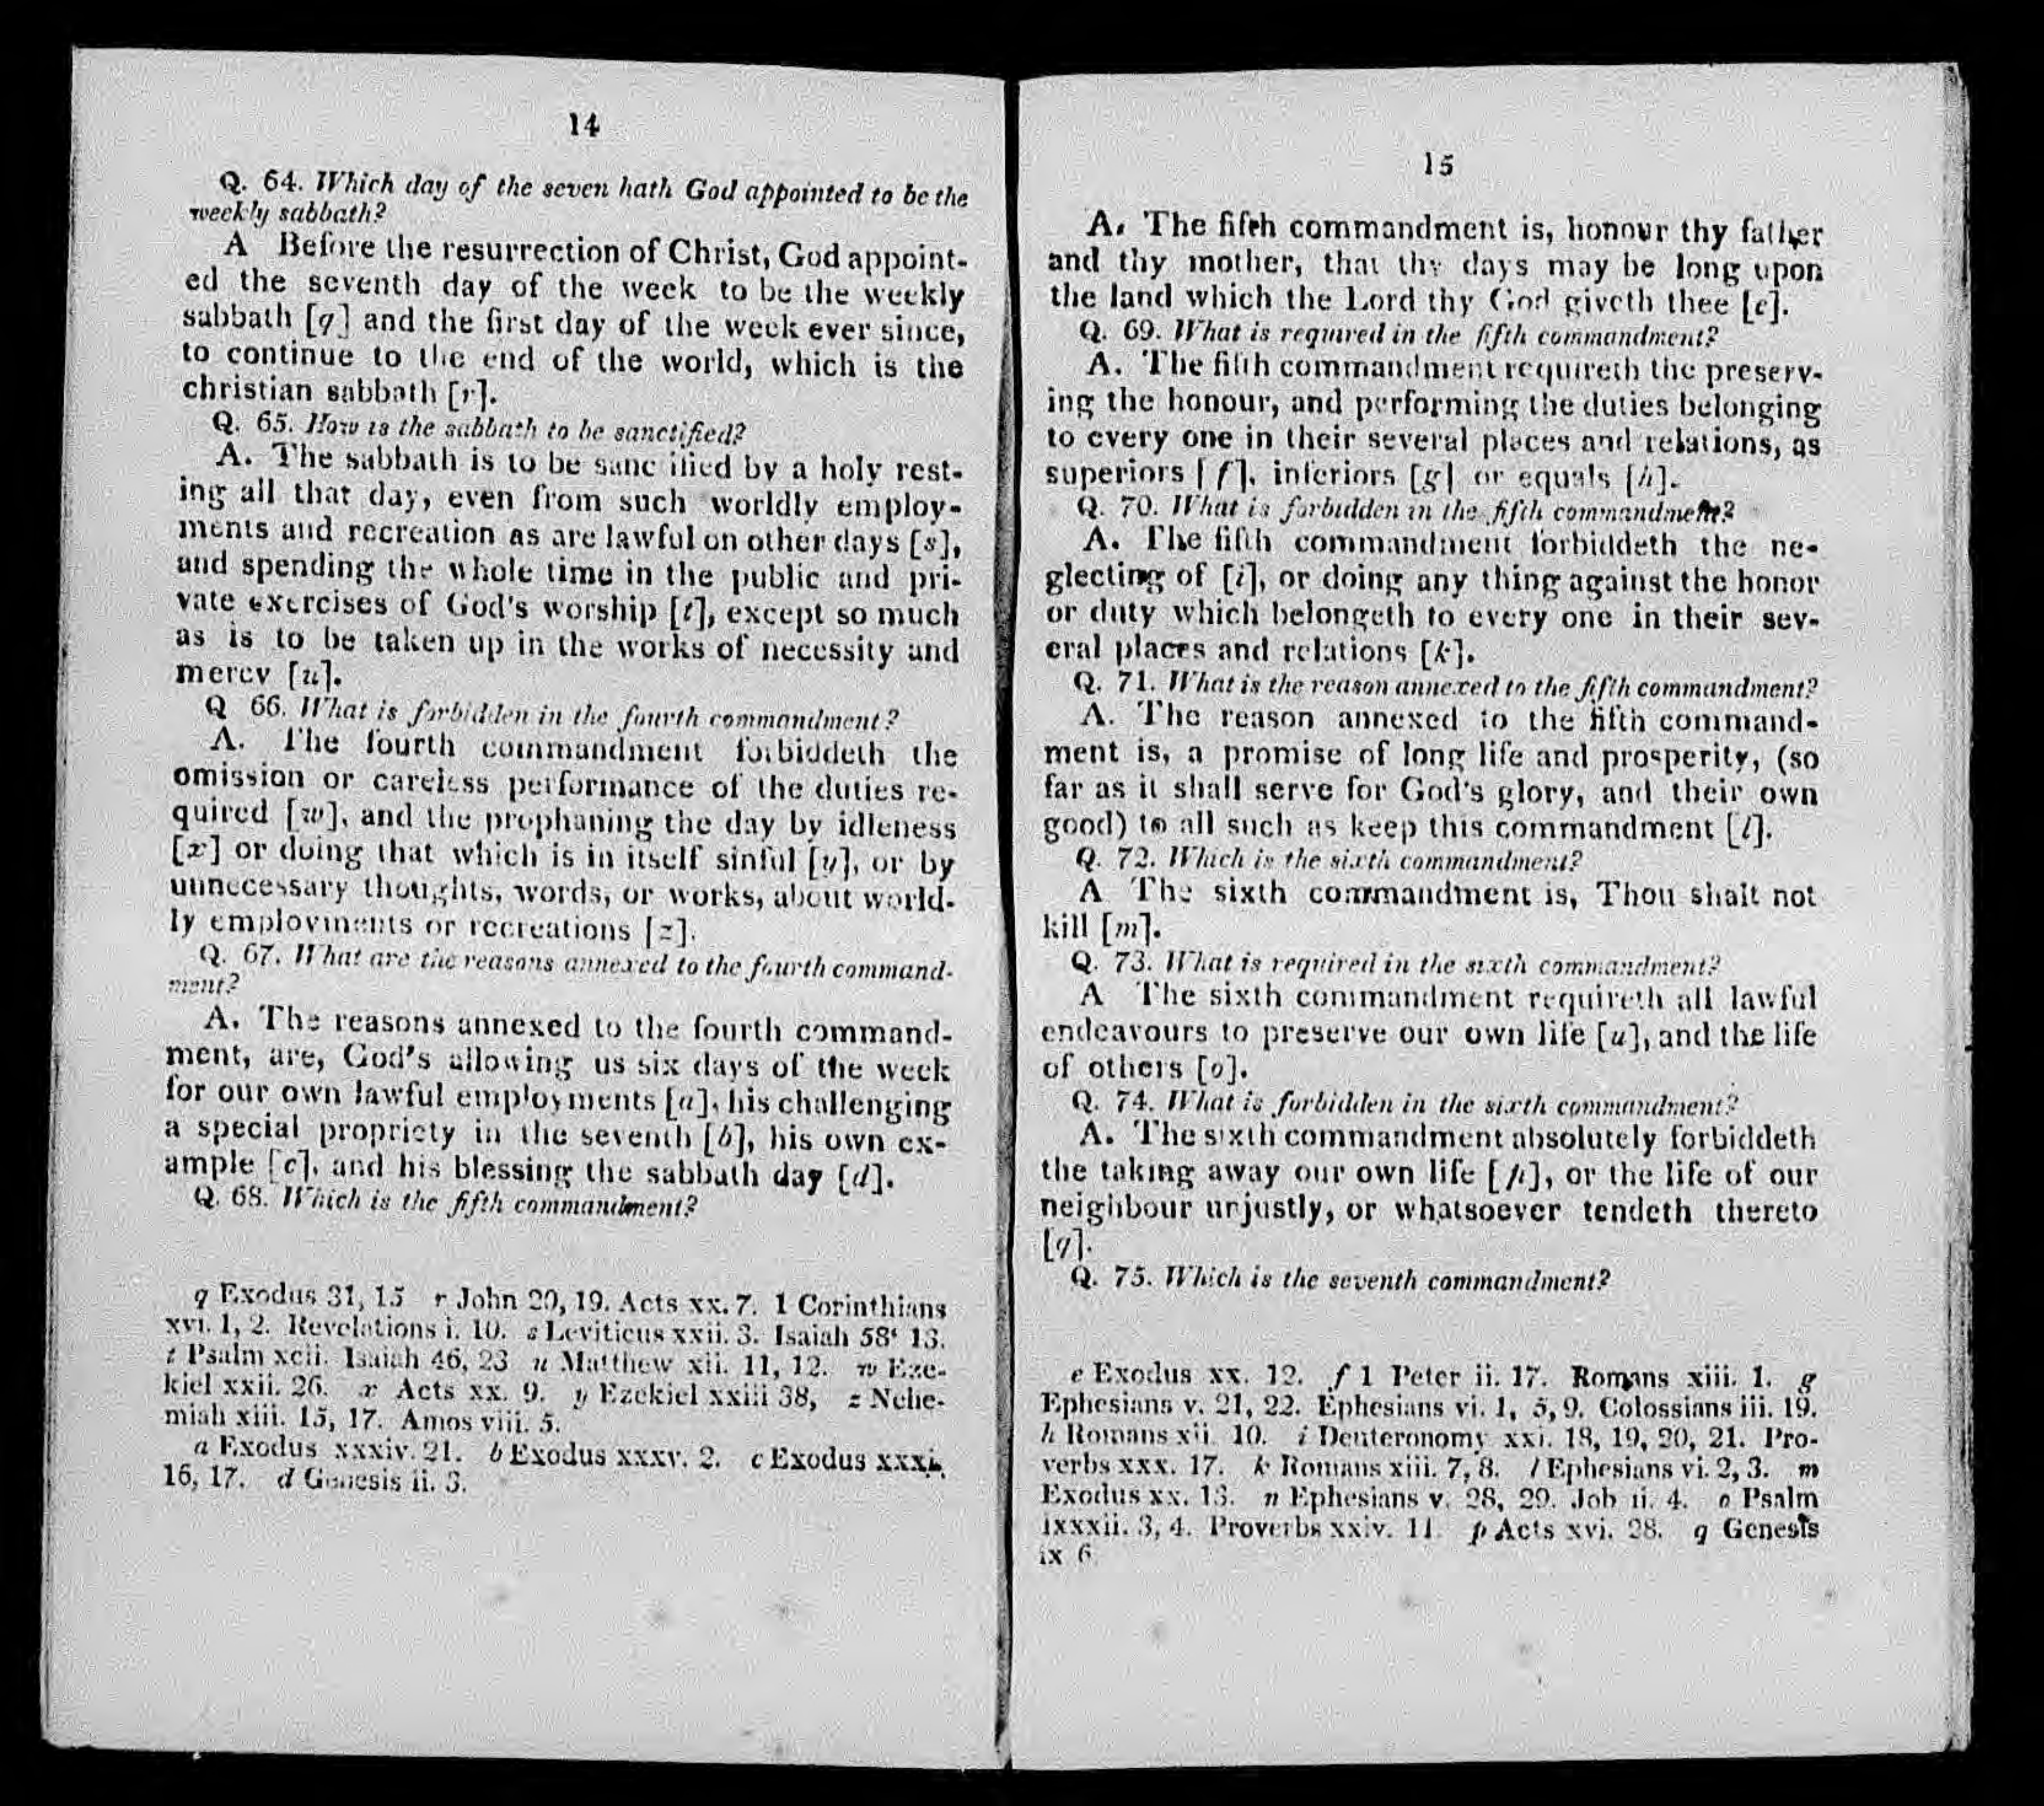14

Q. 64. Which day of the  seven hath God appointed to be the 
weekly sabbath?
A. Before the resurrection of Christ, God appointed
the seventh day of the week to be the weekly
sabbath (q) and the first day of the week ever since,
to continue to the end of the world, which is the
christian sabbath [r].

Q. 65. How is the subbath to be sanctified?
A. The sabbath is to be sanctified by a holy rest-
ing all that day, even from such worldly employments
and recreation as are lawful on other days (s),
and spending the whole time in the public and private
exercises of God's worship [t], except so much
as is to be taken up in the works of necessity and
mercy. [u].

Q. 66. What is forbidden in the fourth commandment?
A. The fourth commandment forbiddeth the
omission or careless performance of the duties 
required [w], and the prophaning the day by idleness [x]
or doing that which is in itself sinful [y], or by
unnecessary thoughts, words, or works, about worldly
employments or recreations [z].

Q. 67. What are the reasons annexed to the forth commandment?
A. The reasons annexed to the fourth commandment, 
are God's allowing us six days of the week
for our own lawful employments [a], his challenging
a special propriety in the seventh [b], his own example
[c], and his blessing the sabbath day [d].

Q. 68. Which is the Fifth commandment?

q Exodus 31, 15   r John 20, 19.   Acts xx. 7.   1 Corinthians
xvi 1, 2.   Revelations i 10.   s Leviticus xxii. 3.   Isaiah 58 13.
t Psalm xcii.   Isaiah 46, 23   u  Matthew xii. 11, 12.  v Eze-
kiel xxii. 26.   x Acts xx 9.   y Ezekiel xxiii 38,   z Nehemiah
xiii. 15, 17.   Amos viii. 5.

a Exodus xxxiv. 21.   b Exodus xxxv. 2.   c Exodus xxxi.
16, 17.   d Genesis ii. 3.

15

A. The fifth commandment is, honour thy father
and thy mother, that thy days may be long upon
the land which the Lord thy God giveth thee [e].

Q. 69. What is required in the fifth commandment?
A. The fifth commandment requireth the preserv-
ing the honour, and performing the duties belonging
to every one in their several places and relations, as
superiors [f],  inferiors [g] or equals [h].

Q. 70. What is forbidden in the fifth commandment?
A. The fifth commandment forbiddeth the neglecting
of [i], or doing any thing against the honor
or duty which belongeth to every one in their several
places and relations [k].

Q. 71. What is the reason annexed to the fifth commandment?
A. The reason annexed to the fifth command
ment is, a promise of long life and prosperity, (so
far as it shall serve for God's glory, and their own
good) to all such as keep this commandment [l].

Q. 72. Which is the sixth commandment?
A. The sixth commandment is, Thou shalt not
kill [m].

Q. 73. What is required in the sixth commandment?
A The sixth commandment requireth all lawful
endeavours to preserve our own life [u], and the life
of others (o).

Q. 74. What is forbidden in the sixth commandment?
A. The sixth commandment absolutely forbiddeth
the taking away our own life [p], of the life of our
neighbour unjustly, or whatsoever tendeth thereto [q].

Q.75. Which is the seventh commandment?

e Exodus xx. 12.   f 1 Peter ii. 17.   Romans xiii. 1.  g
Ephesians v. 21, 22.   Ephesians vi. 1, 5, 9.   Colossians iii. 19.
h Romans xii. 10.  i Deuteronomy xxi. 18, 19, 20, 21.   Proverbs
xxx. 17.  k Romans xiii. 7, 8.   l Ephesians vi. 2, 3.
 m Exodus xx. 13.  n  Ephesians v. 28, 29. Job ii. 4. o Psalm
ixxxii. 3, 4.  Proverbs xxiv. 11.   p Acts xvi. 28.   q Genests
IX 6.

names: Matthew, Nehemiah, Ezekiel, Ezekiel, Job, Peter, Amos, John, Isaiah, Isaiah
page: 68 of 98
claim: widow's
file: W. 8398, William Broadway, S.C.